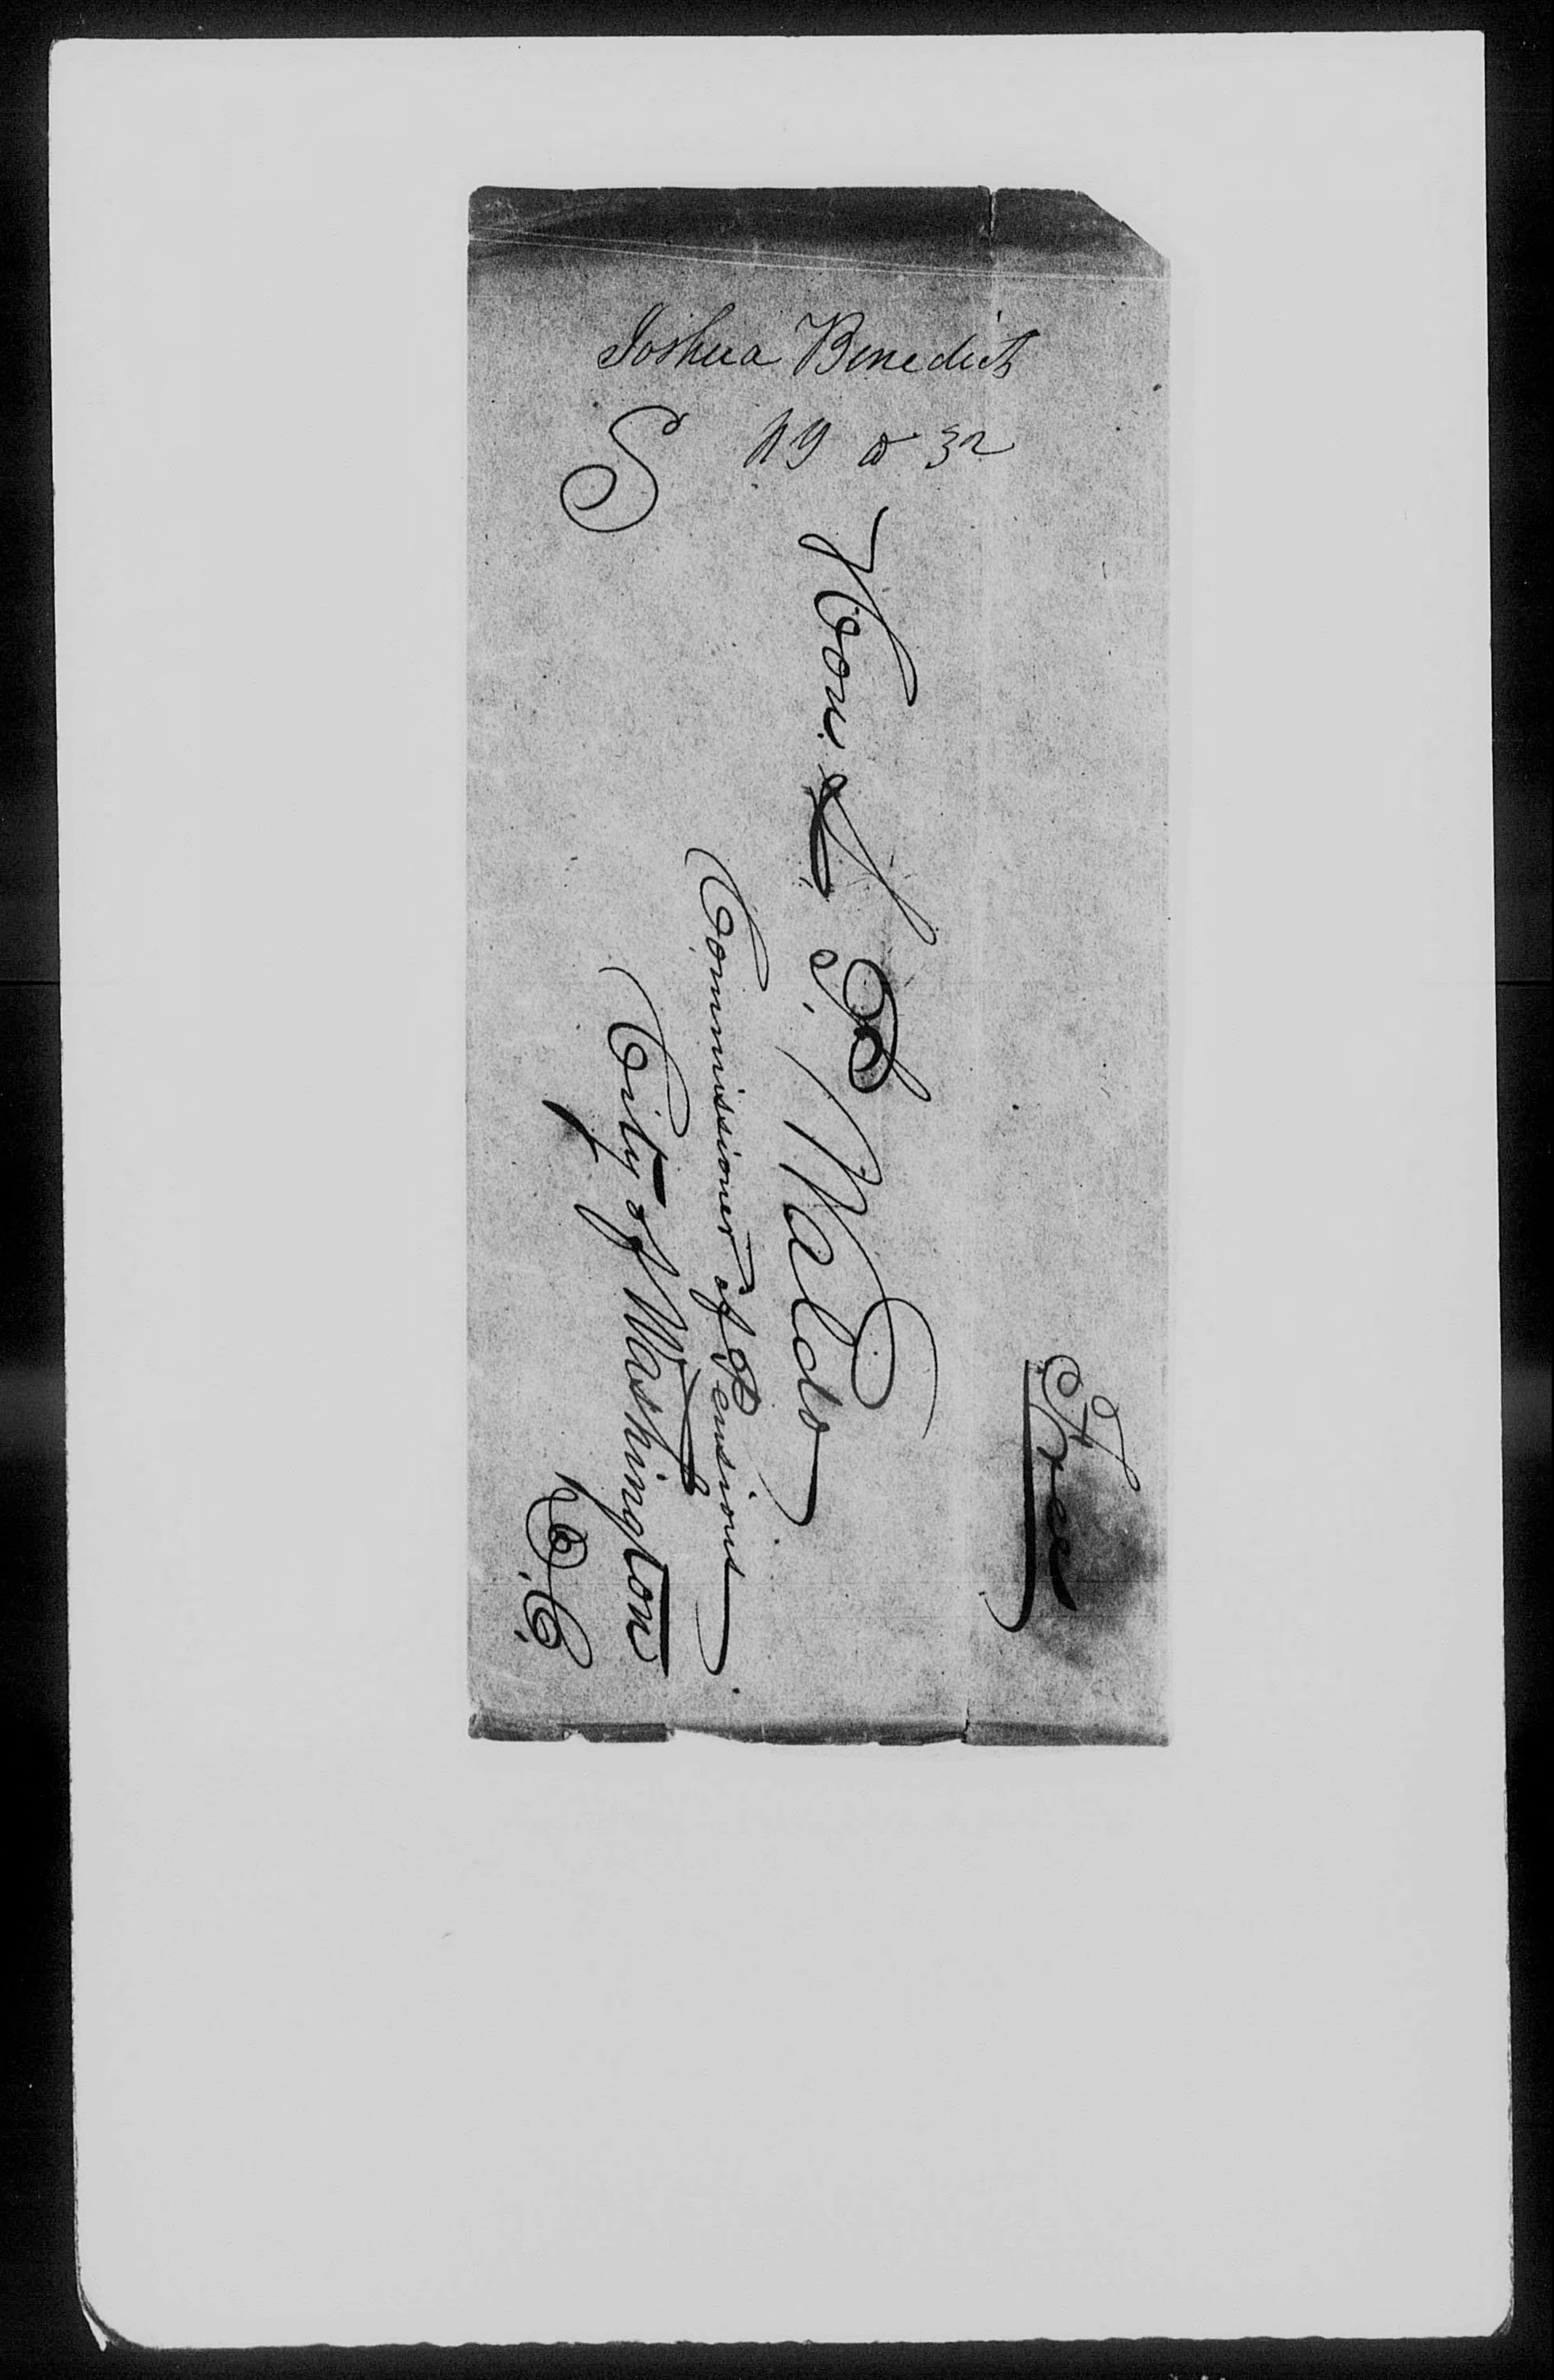Joshua Benedict

S NY to 32

[sideways down page] Free

Hon L P. Waldo
Commissioner of Pensions
City of Washington
D.C.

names: L P Waldo, Joshua Benedict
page: 16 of 106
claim: survivor's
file: S 23,116., Joshua Benedict, Conn.